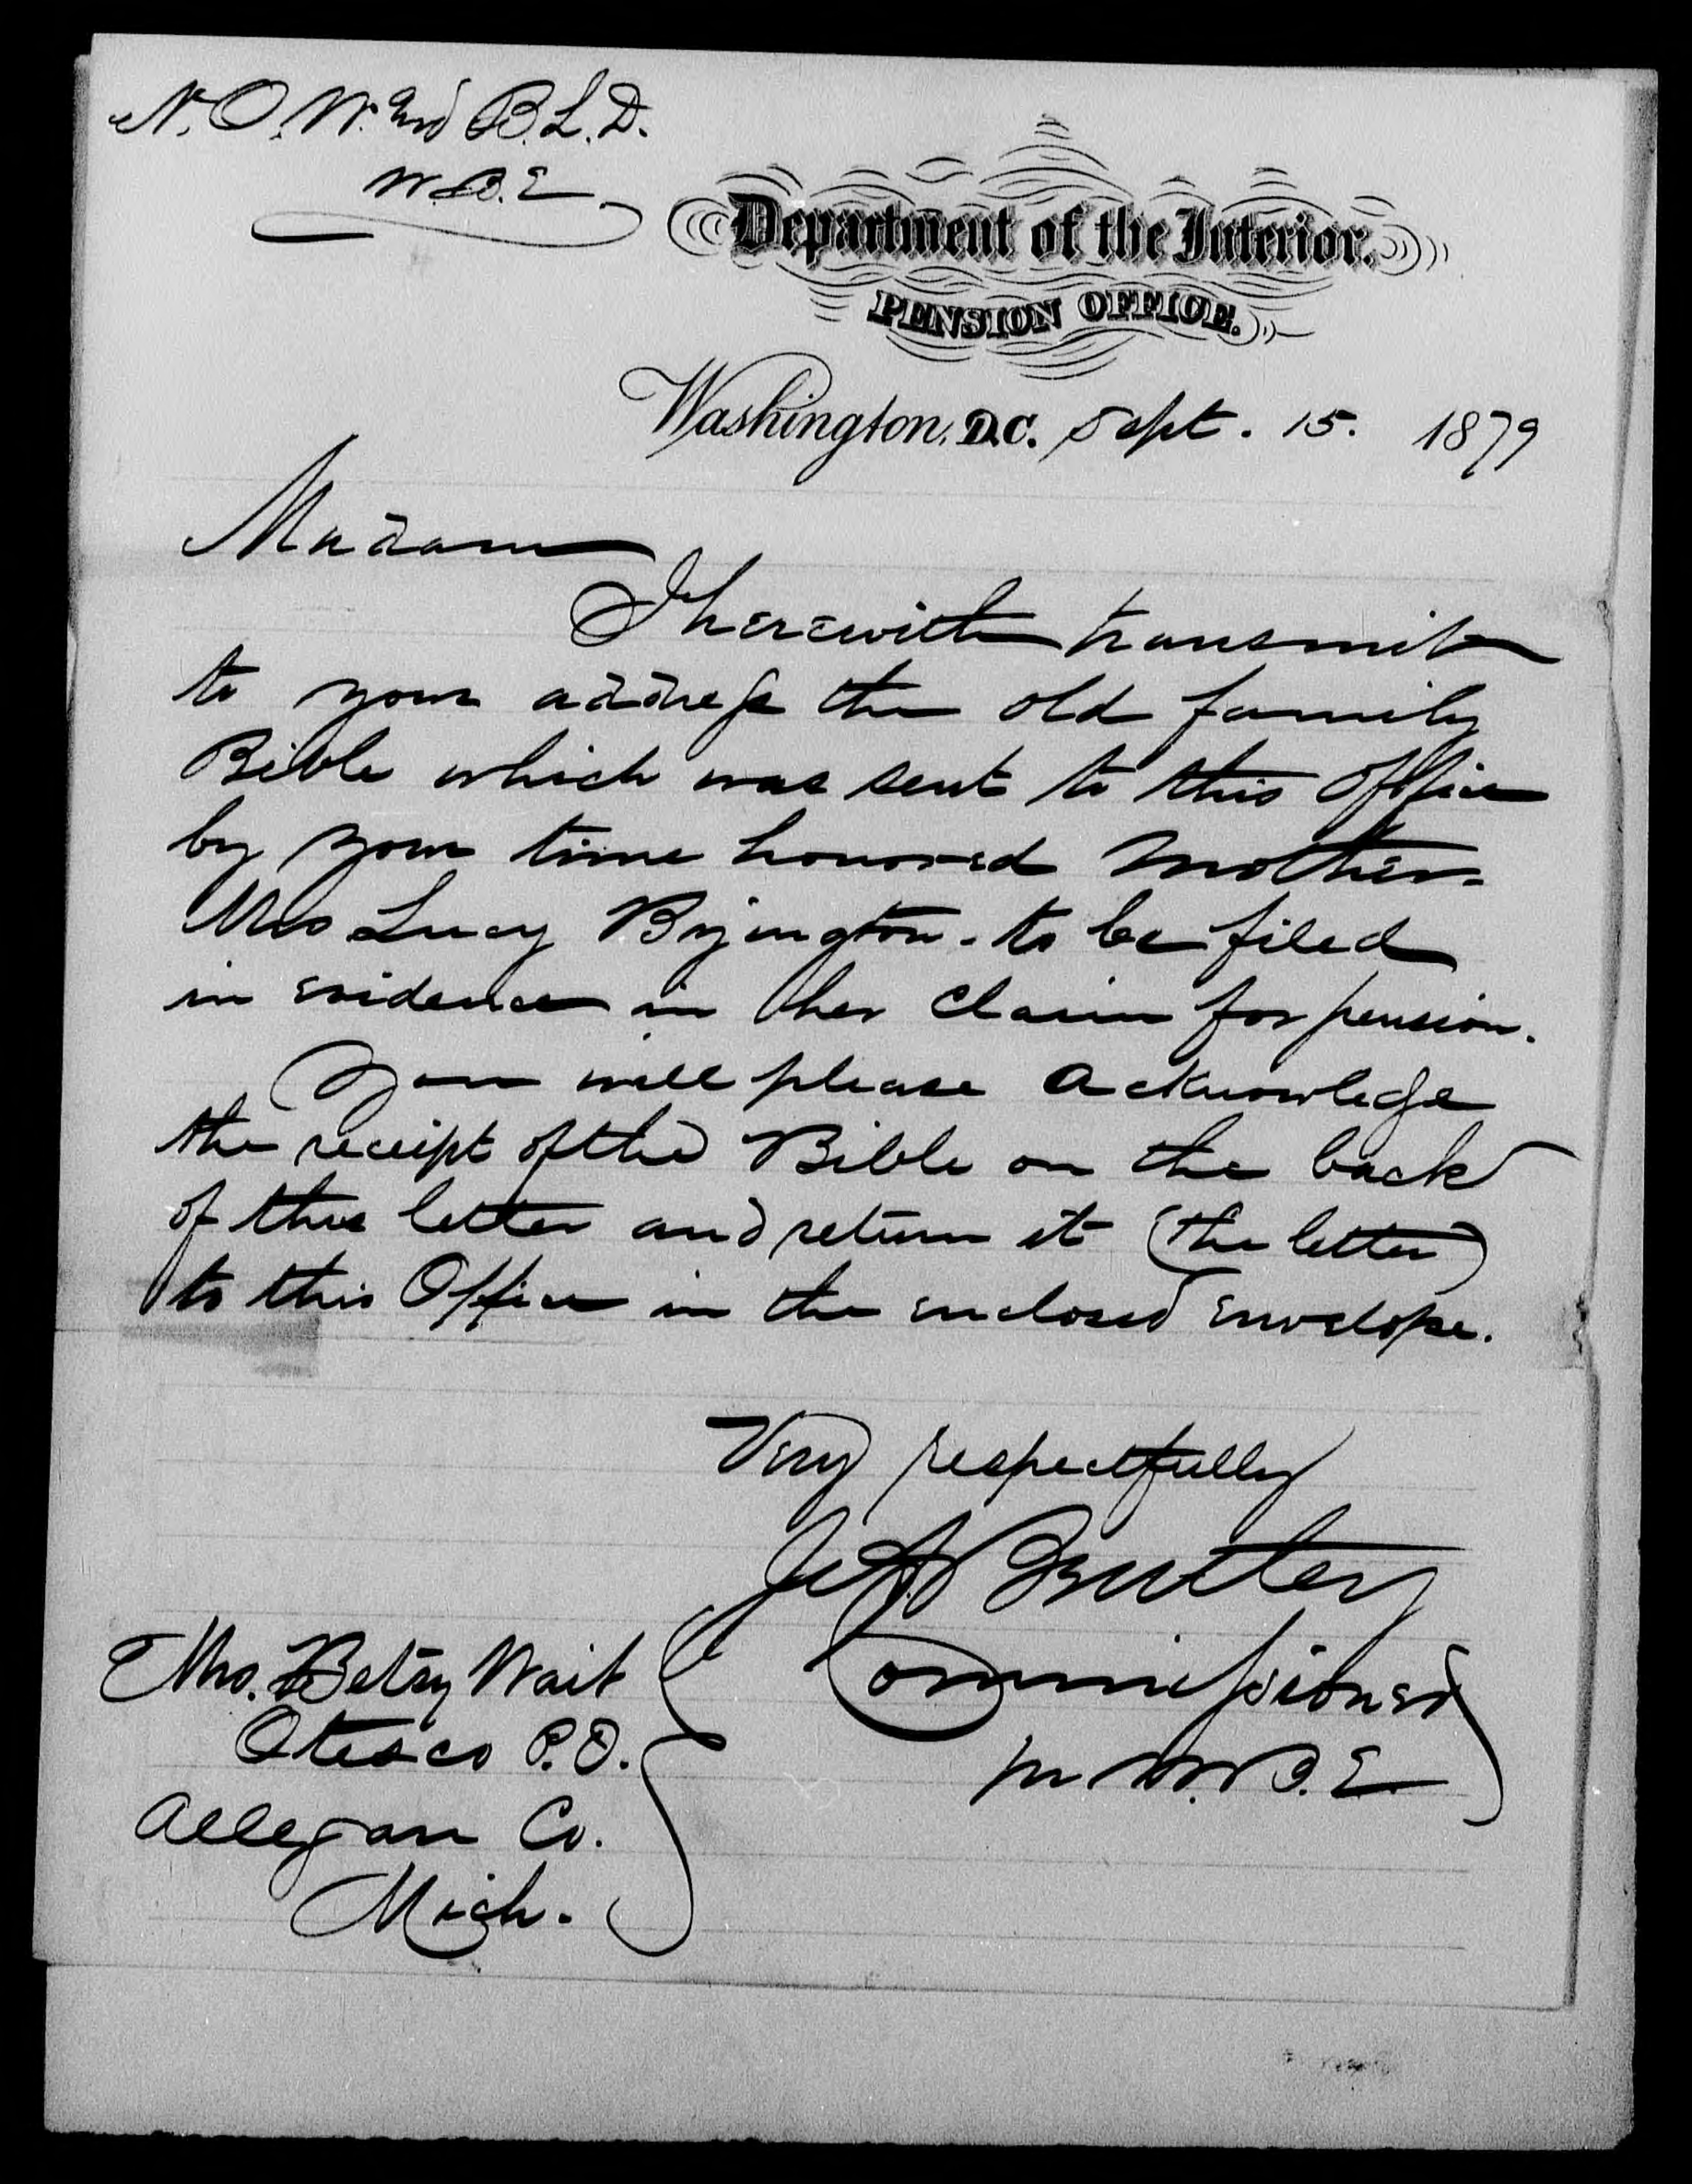Washington, D.C. Sept. 15. 1897

Madam

Therewith transmitted to you address the old family Bible which was sent to this office by your time honored mother. Ms. Lucy Byington to be filed in evidence in the claim for pension.
You will please acknowledge the receipt of the Bible on the back of this letter and return it (the letter) to this Office in the enclosed envelope.

Very respectfully
Jeff Bentley
Commissioner M.M.C.E
Eho Betsy Wait
Otesco P.O.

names: Lucy Byington, Betsy Wait, J A Bentley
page: 30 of 79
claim: widow's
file: W. 23754, Justus Byington, Conn.